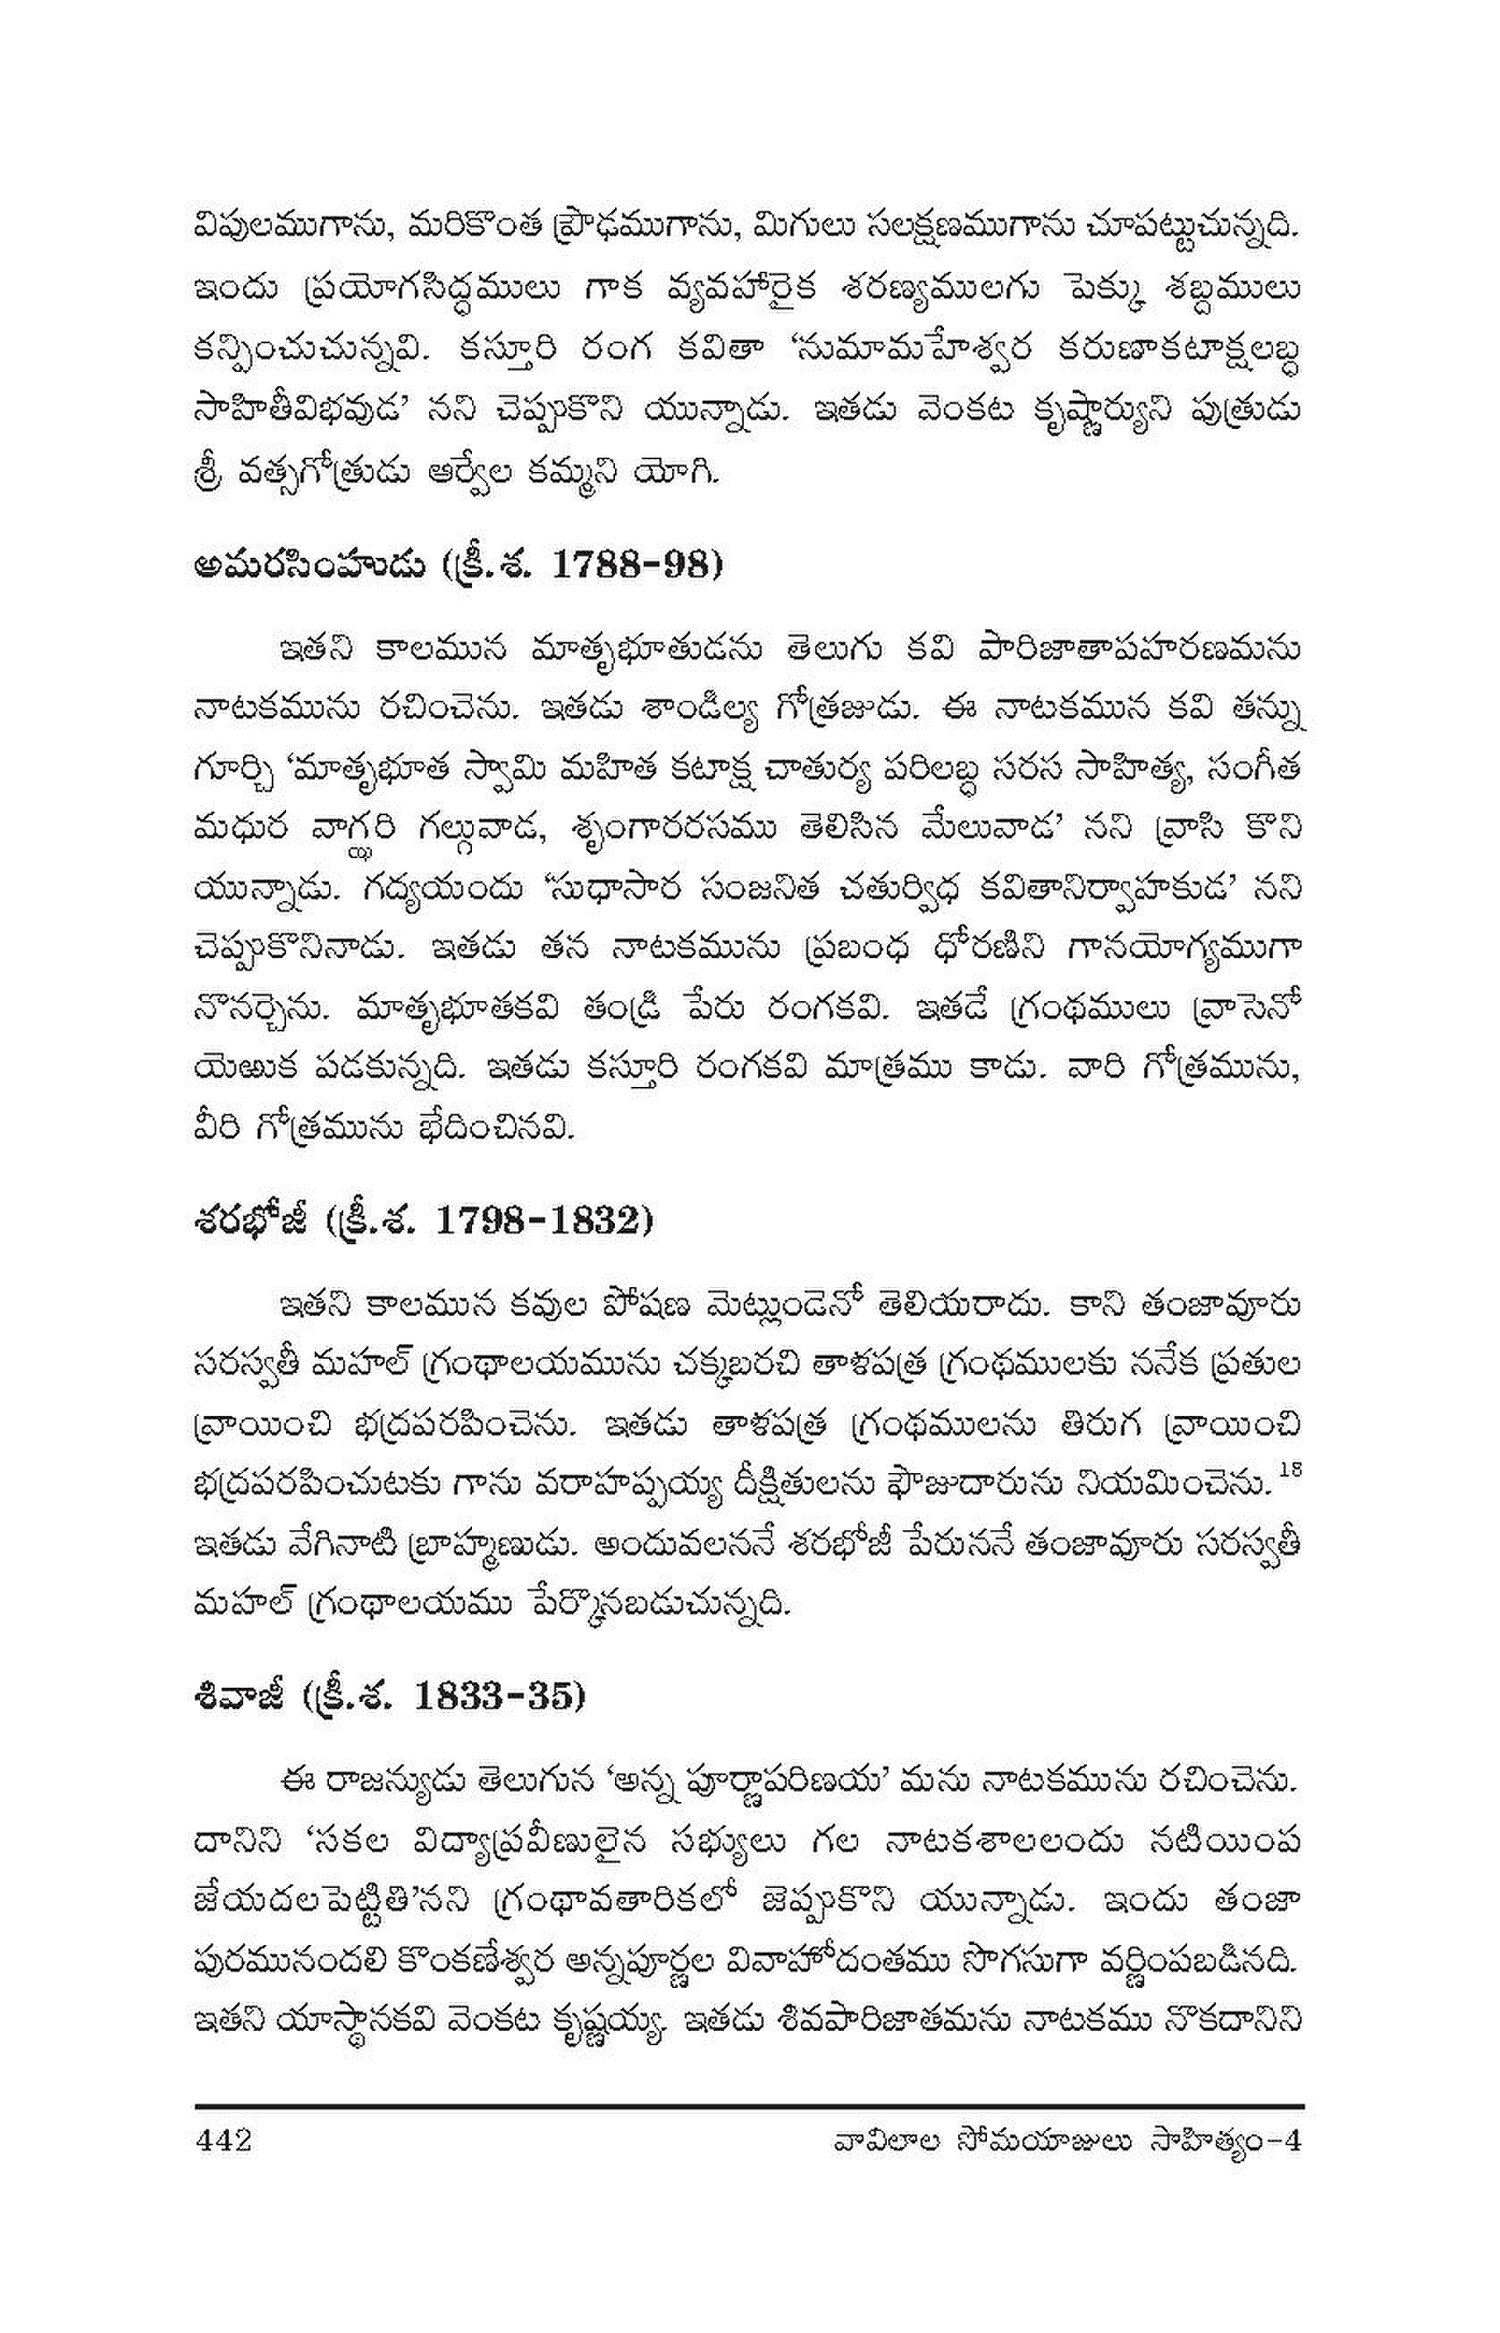విపులముగాను, మరికొంత ప్రౌఢముగాను, మిగులు సలక్షణముగాను చూపట్టుచున్నది.
ఇందు ప్రయోగసిద్ధములు గాక వ్యవహారైక శరణ్యములగు పెక్కు శబ్దములు
కన్పించుచున్నవి. కస్తూరి రంగ కవితా 'నుమామహేశ్వర కరుణాకటాక్షలబ్ధ
సాహితీవిభవుడ' నని చెప్పుకొని యున్నాడు. ఇతడు వెంకట కృష్ణార్యుని పుత్రుడు
శ్రీ వత్సగోత్రుడు ఆర్వేల కమ్మనియోగి.

అమరసింహుడు (క్రీ.శ. 1788-98) 

ఇతని కాలమున మాతృభూతుడను తెలుగు కవి పారిజాతాపహరణమను
నాటకమును రచించెను. ఇతడు శాండిల్య గోత్రజుడు. ఈ నాటకమున కవి తన్ను
గూర్చి 'మాతృభూత స్వామి మహిత కటాక్ష చాతుర్య పరిలబ్ధ సరస సాహిత్య, సంగీత
మధుర వాగ్ఝరి గల్గువాడ, శృంగారరసము తెలిసిన మేలువాడ' నని వ్రాసి కొని
యున్నాడు. గద్యయందు 'సుధాసార సంజనిత చతుర్విధ కవితానిర్వాహకుడ' నని
చెప్పుకొనినాడు. ఇతడు తన నాటకమును ప్రబంధ ధోరణిని గానయోగ్యముగా
నొనర్చెను. మాతృభూతకవి తండ్రి పేరు రంగకవి. ఇతడే గ్రంథములు వ్రాసెనో
యెఱుక పడకున్నది. ఇతడు కస్తూరి రంగకవి మాత్రము కాడు. వారి గోత్రమును,
వీరి గోత్రమును భేదించినవి.

శరభోజీ (క్రీ.శ. 1798-1832)

ఇతని కాలమున కవుల పోషణ మెట్లుండెనో తెలియరాదు. కాని తంజావూరు
సరస్వతీ మహల్ గ్రంథాలయమును చక్కబరచి తాళపత్ర గ్రంథములకు ననేక ప్రతుల
వ్రాయించి భద్రపరపించెను. ఇతడు తాళపత్ర గ్రంథములను తిరుగ వ్రాయించి
భద్రపరపించుటకు గాను వరాహప్పయ్య దీక్షితులను ఫౌజుదారును నియమించెను18. 
ఇతడు వేగినాటి బ్రాహ్మణుడు. అందువలననే శరభోజీ పేరుననే తంజావూరు సరస్వతీ
మహల్ గ్రంథాలయము పేర్కొనబడుచున్నది.

శివాజీ (క్రీ.శ. 1833-35)

ఈ రాజన్యుడు తెలుగున 'అన్న పూర్ణాపరిణయ' మను నాటకమును రచించెను.
దానిని 'సకల విద్యాప్రవీణులైన సభ్యులు గల నాటకశాలలందు నటియింప
జేయదలపెట్టితి’నని గ్రంథావతారికలో జెప్పుకొని యున్నాడు. ఇందు తంజా
పురమునందలి కొంకణేశ్వర అన్నపూర్ణల వివాహోదంతము సొగసుగా వర్ణింపబడినది.
ఇతని యాస్థానకవి వెంకట కృష్ణయ్య. ఇతడు శివపారిజాతమను నాటకము నొకదానిని